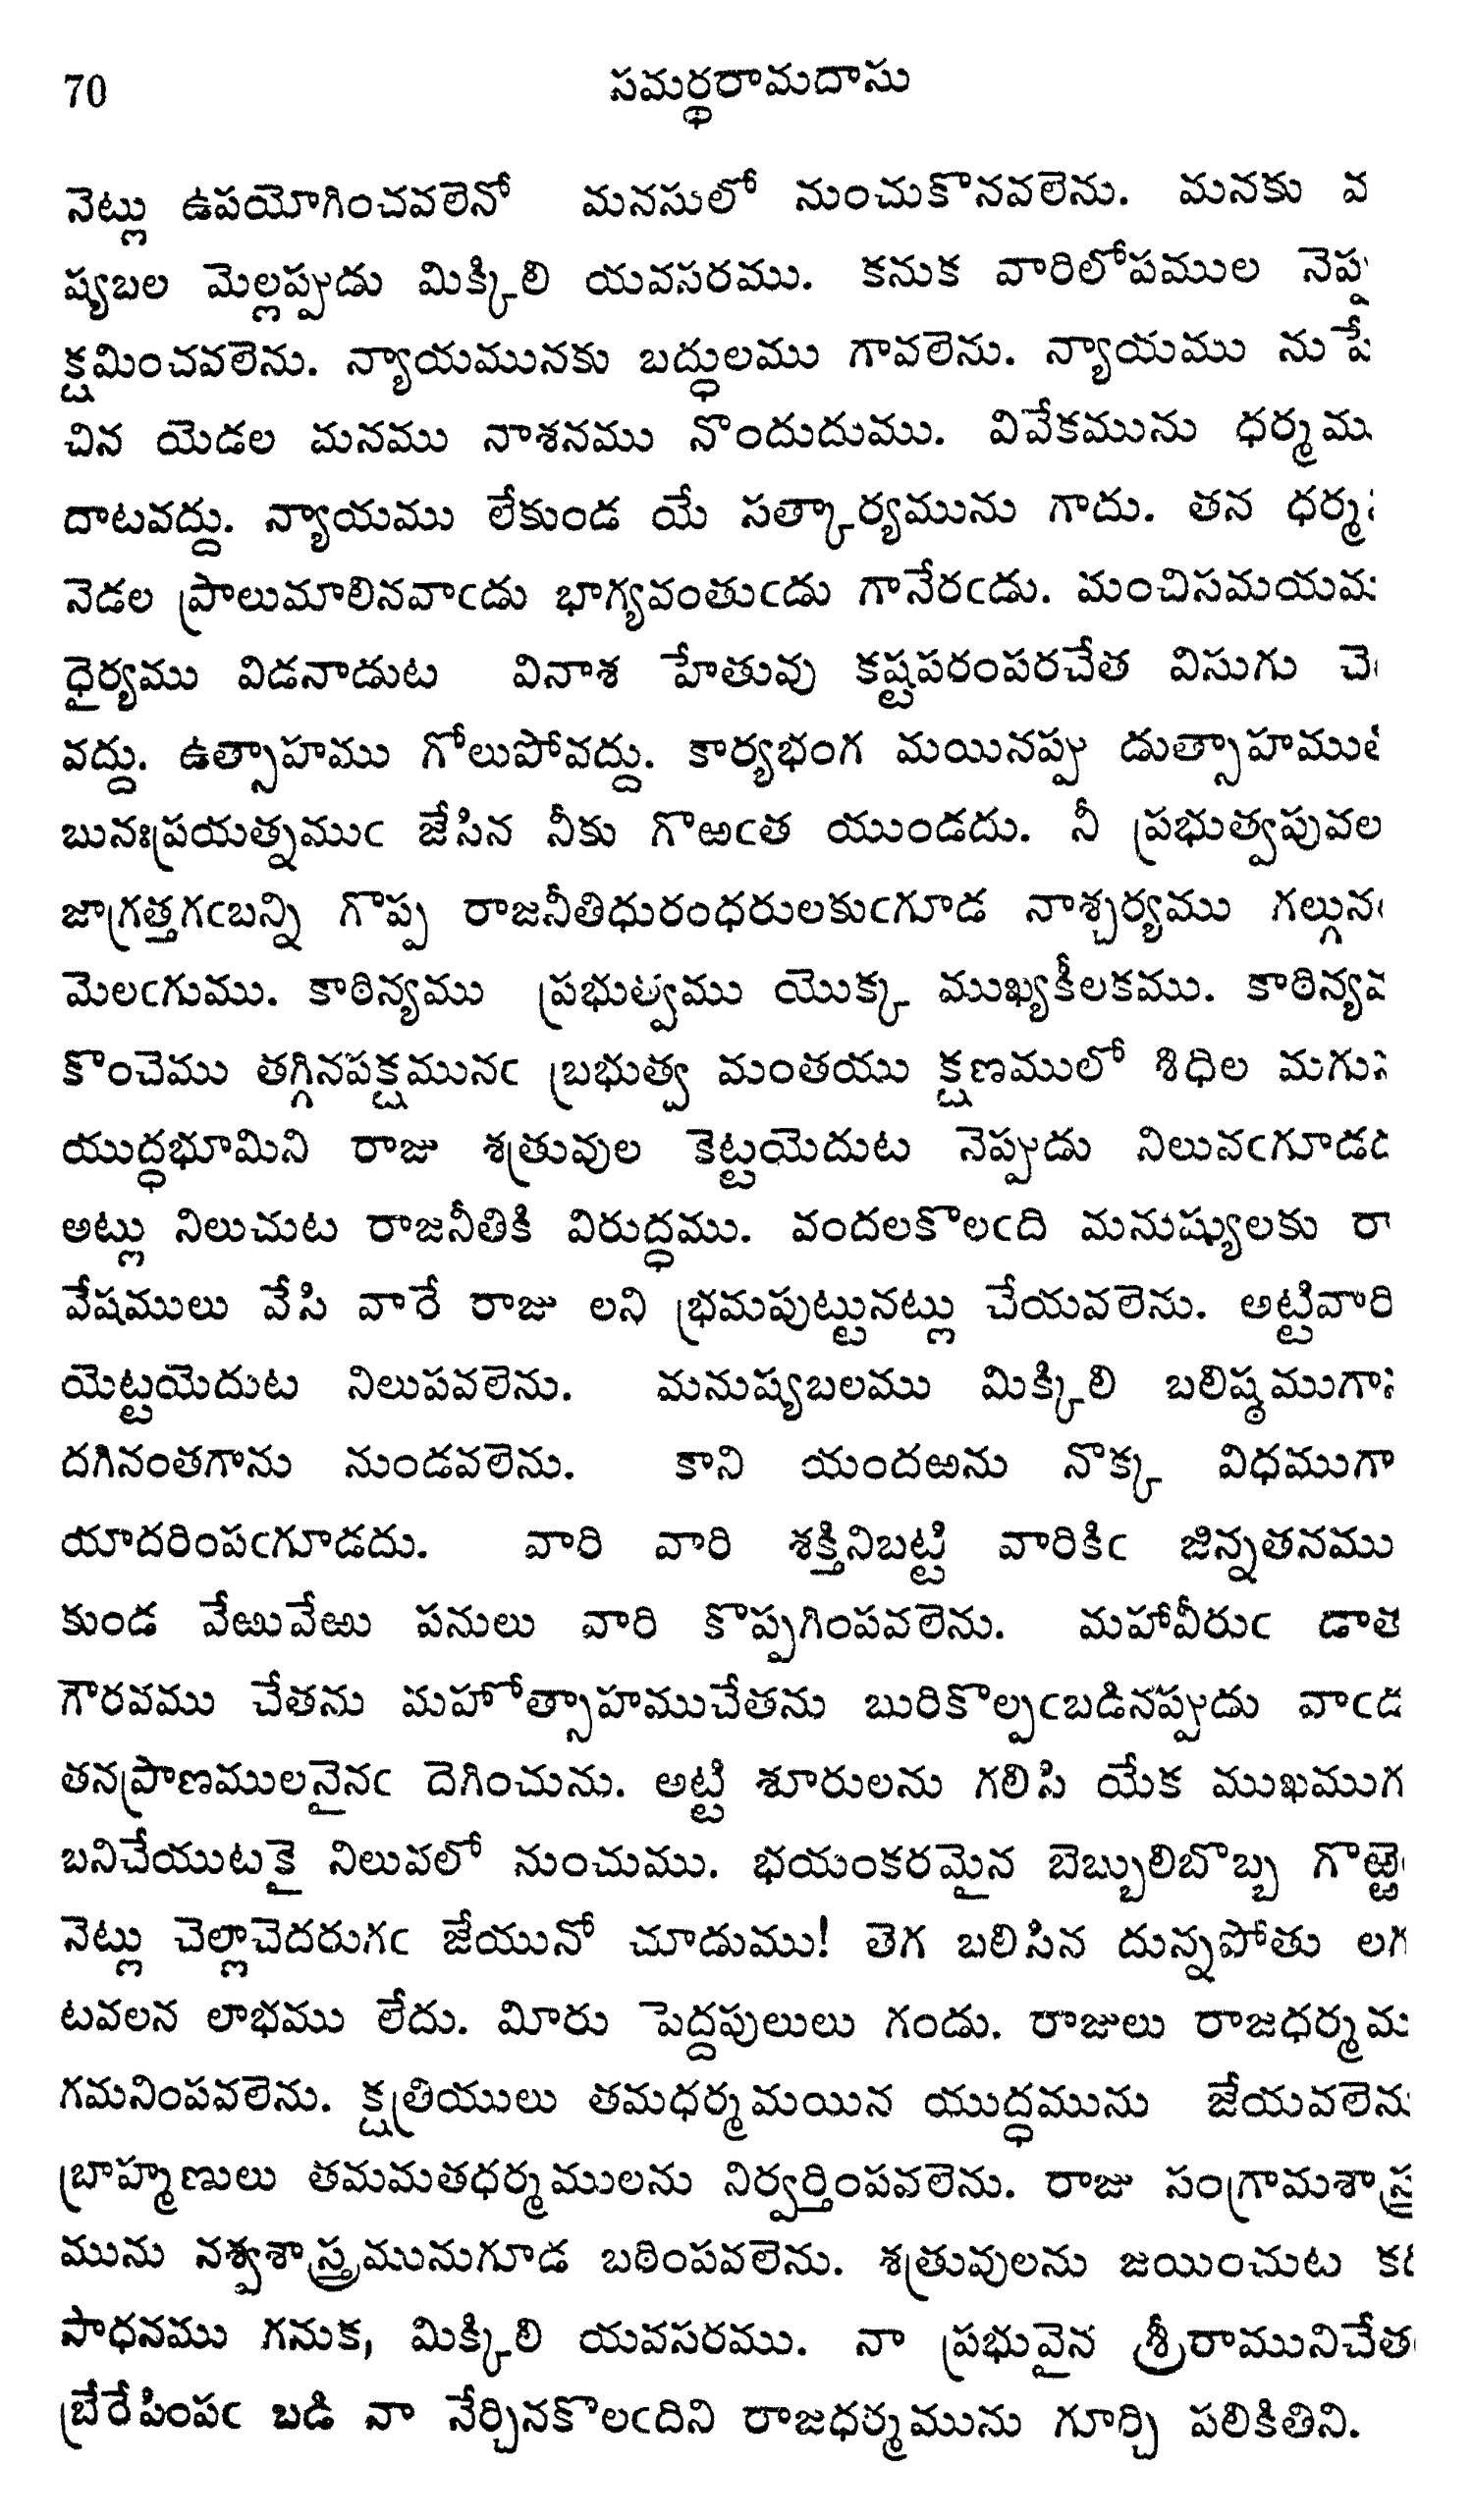నెట్లు ఉపయోగించవలెనో మనసులో నుంచుకొనవలెను. మనకు మనుష్యబల మెల్లప్పుడు మిక్కిలి యవసరము. కనుక వారిలోపముల నెప్పుడు క్షమించవలెను. న్యాయమునకు బద్ధులము గావలెను. న్యాయము నుపే---చిన యెడల మనము నాశనము నొందుదుము. వివేకమును ధర్మము-- దాటవద్దు. న్యాయము లేకుండ యే సత్కార్యమును గాదు. తన ధర్మము నెడల ప్రాలుమాలినవాడు భాగ్యవంతుడు గానేరడు. మంచిసమయమున ధైర్యము విడనాడుట వినాశ హేతువు కష్టపరంపరచేత విసుగు చెందవద్దు. ఉత్సాహము గోలుపోవద్దు. కార్యభంగ మయినప్పు డుత్సాహముతో బున:ప్రయత్నము జేసిన నీకు గొఱత యుండదు. నీ ప్రభుత్వపువ-- జాగ్రత్తగ బన్ని గొప్ప రాజనీతిధురంధురులకు గూడ నాశ్చర్యము గల్గునట్లు మెలగుము. కాఠిన్యము ప్రభుత్వము యొక్క ముఖ్యకీలకము. కాఠిన్యము కొంచెము తగ్గినపక్షమున బ్రభుత్వ మంతయు క్షణములో శిధిల మగును. యుద్ధభూమిని రాజు శత్రువుల కెట్టయెదుట నెప్పుడు నిలువగూడదు. అట్లు నిలుచుట రాజనీతికి విరుద్ధము. వందలకొలది మనుష్యులకు రాజు వేషములు వేసి వారే రాజు లని భ్రమపుట్టునట్లు చేయవలెను. అట్టివారిని యెట్టయెదుట నిలుపవలెను. మనుష్యబలము మిక్కిలి బలిష్ఠముగాను దగినంతగాను నుండవలెను. కాని యందఱును నొక్క విధముగా యాదరింప గూడదు. వారి వారి శక్తినిబట్టి వారికి జిన్నతనము --కుండ వేఱువేఱు పనులు వారి కొప్పగింపవలెను. మహావీరు డాతని గౌరవము చేతను మహోత్సాహముచేతను బురికొల్పబడినప్పుడు వాడు తనప్రాణములనైన దెగించును. అట్టి శురులను గలిసి యేక ముఖముగ బనిచేయుటకై నిలువలో నుంచుము. భయంకరమైన బెబ్బులిబొబ్బ గొఱ్ఱె నెట్లు చెల్లాచెదరుగ జయునో చూడుము! తెగ బలిసిన దున్నపోతు లగుటవలన లాభము లేదు. మీరు పెద్దపులులు గండు. రాజులు రాజధర్మము గమనింపవలెను. క్షత్రియులు తమధర్మమయిన యుద్ధమును జేయవలెను. బ్రాహ్మణులు తమమతధర్మములను నిర్వర్తింపవలెను. రాజు సంగ్రామశాస్త్రమును నశ్వశాస్త్రమునుగూడ బఠింపవలెను. శత్రువులను జయించుట క-- సాధనము గనుక, మిక్కిలి యవసరము. నా ప్రభువైన శ్రీరామునిచేత బ్రేరేపింప బడి నా నేర్చినకొలదిని రాజధర్మమును గూర్చి పలికితిని.